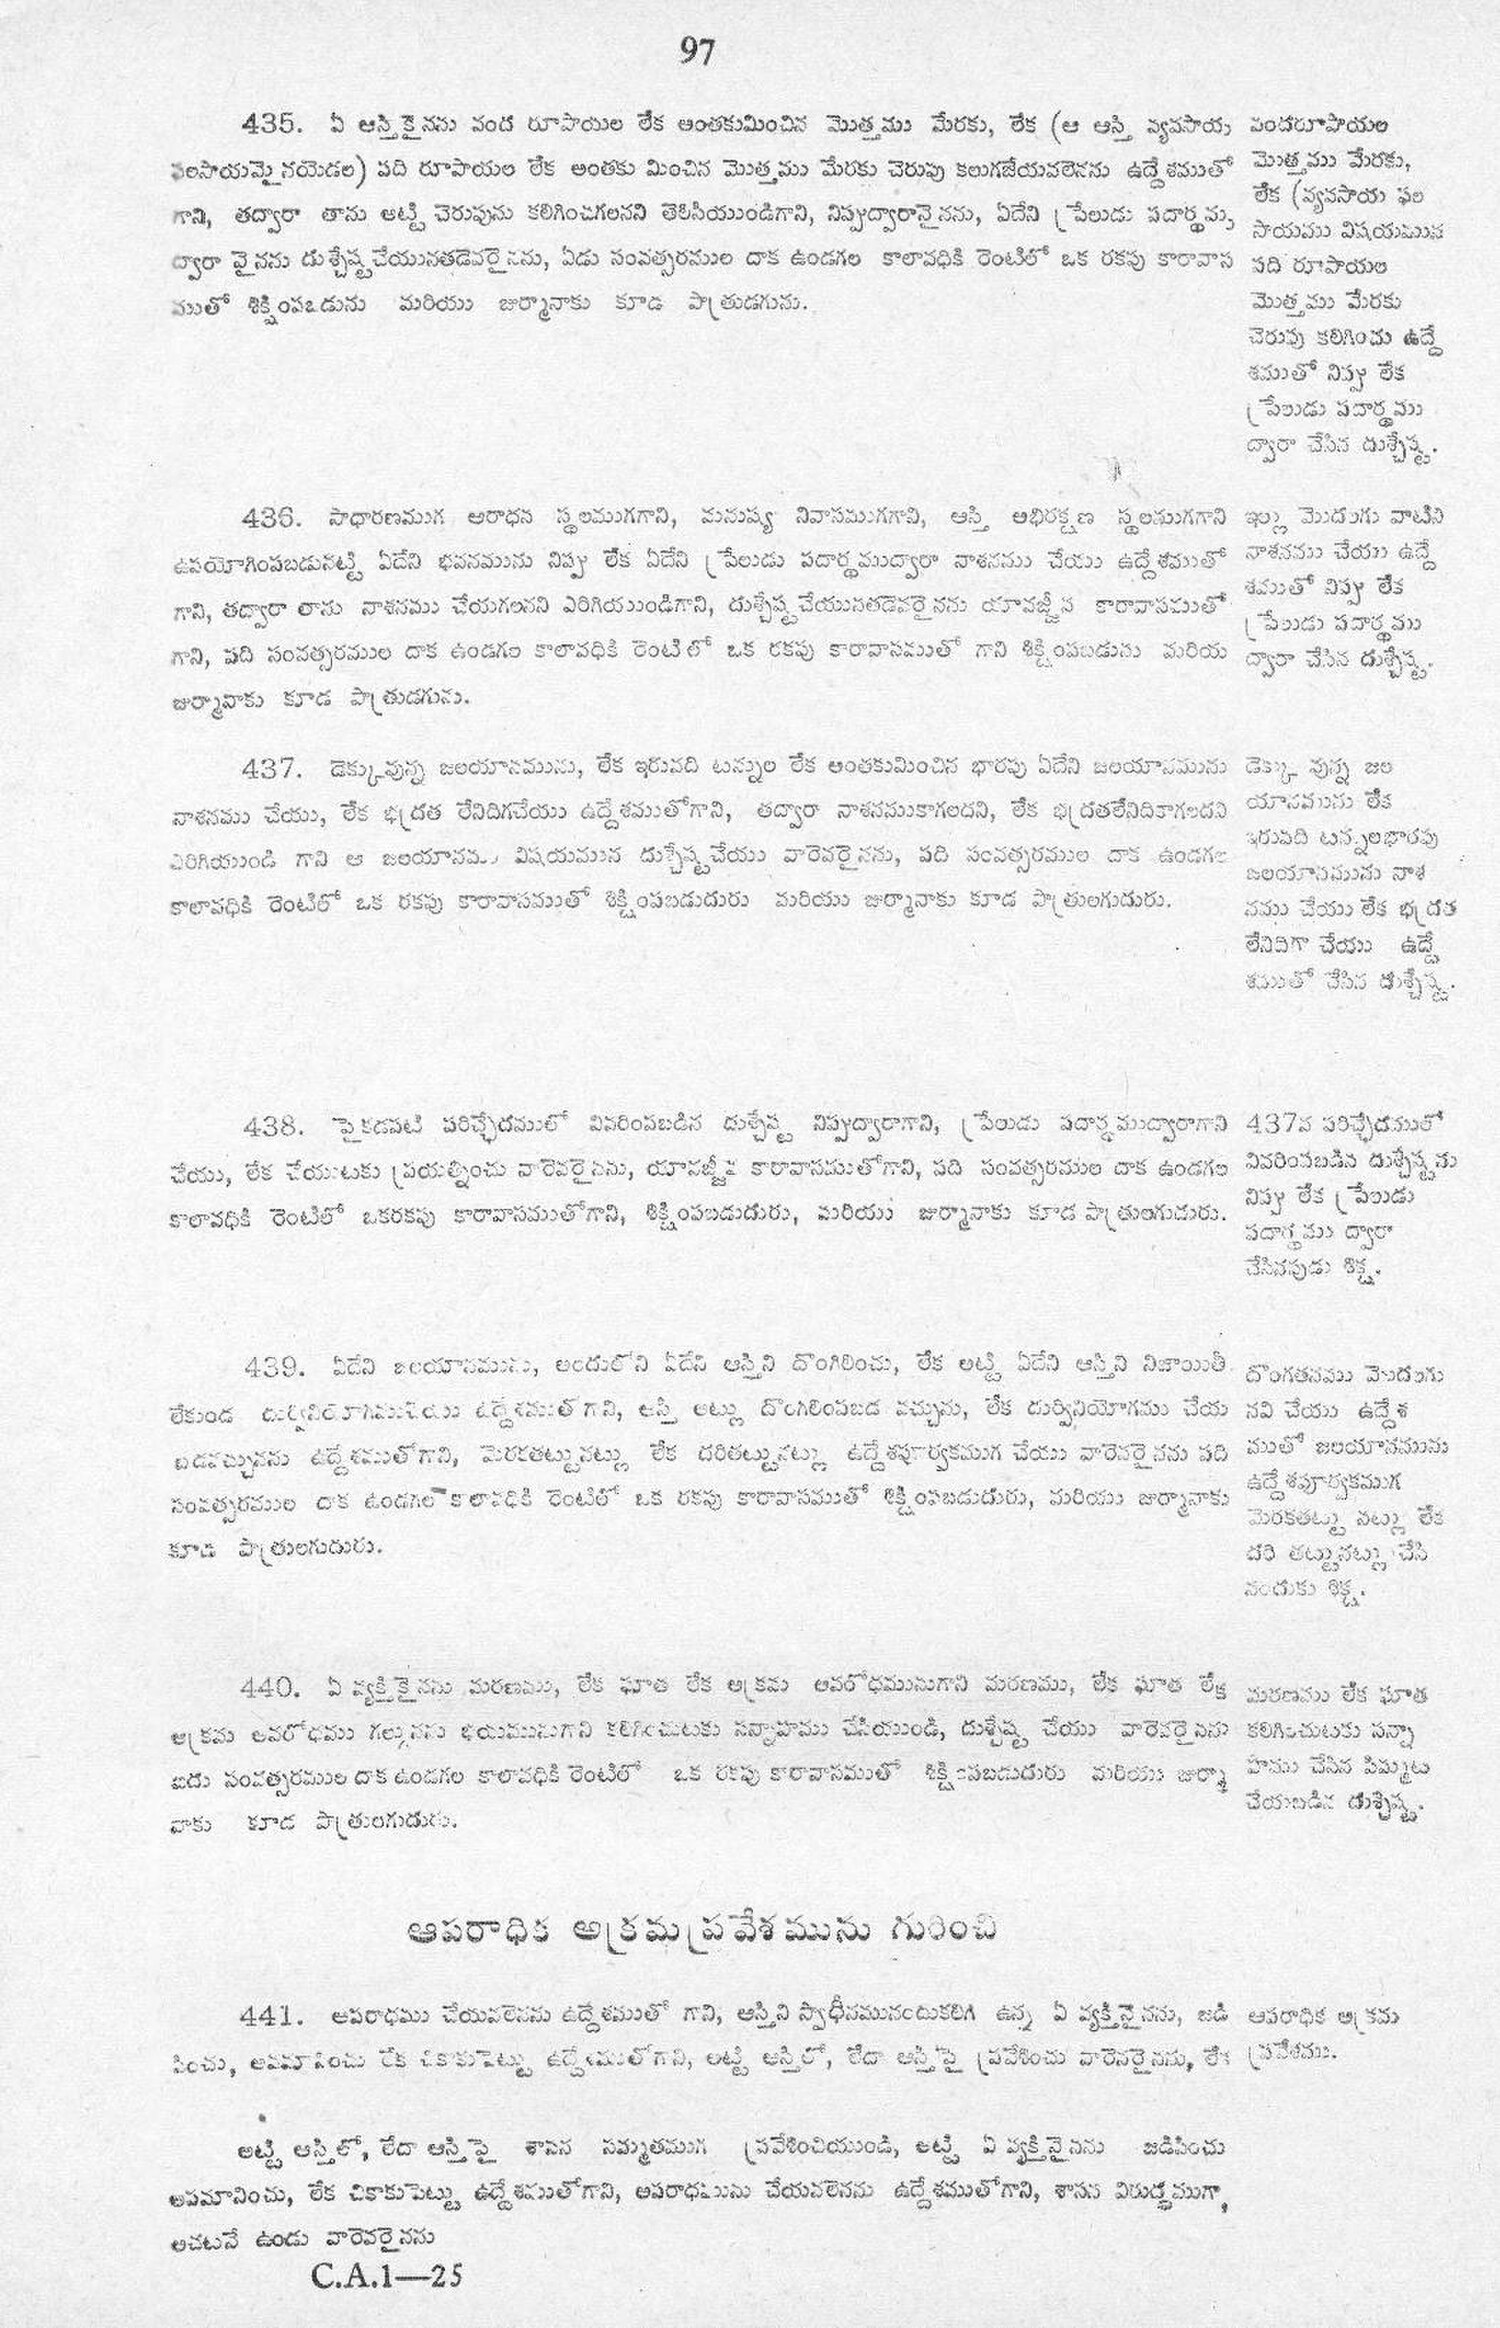వందరూపాయల మొత్తము మేరకు, లేక వ్యవసాయ విషయమున పది రూపాయల మొత్తము మేరకు చెరువు కలిగించు ఉద్దేశముతో నిప్పు లేక ప్రేలుడు పదార్థము ద్వారా చేసిన దుశ్చేష్ట.

435. ఏ ఆస్తి కై నను వంద రూపాయిల లేక అంతకుమించిన మొత్తము మేరకు, లేక (ఆ ఆస్తి వ్యవసాయ ఫలసాయమై నయెడల) పది రూపాయల లేక అంతకు మించిన మొత్తము మేరకు చెరుపు కలుగజేయవలెనను ఉద్దేశముతో గాని, తద్వారా తాను అట్టి చెరుపును కలిగించగలనని తెలిసియుండిగాని, నిప్పు ద్వారానై నను, ఏదేని ప్రేలుడు పదార్థము, ద్వారా నైనను దుశ్చేష్ట చేయునతడెవరైనను, ఏడు సంవత్సరముల దాక ఉండగల కాలావధికి రెంటిలో ఒక రకపు కారావాసముతో శిక్షింపబడును మరియు జుర్మానాకు కూడ పాత్రుడగును.

ఇల్లు మొదలగు వాటిని నాశనము చేయు ఉద్దేశముతో నిప్పు లేక ప్రేలుడు పదార్థము ద్వారా చేసిన దుశ్చేష్ట

436. సాధారణముగ ఆరాధన స్థలముగగాని, మనుష్య నివాసముగగాని, ఆస్తి అభిరక్షణ స్థలముగగాని ఉపయోగింపబడునట్టి ఏదేని భవనమును నిప్పు లేక ఏదేని ప్రేలుడు పదార్థముద్వారా నాశనము చేయు ఉద్దేశముతో గాని, తద్వారా తాను నాశనము చేయగలనని ఎరిగియుండిగాని, దుశ్చేష్ట చేయునతడెవరైనను యావజ్జీవ కారావాసముతో గాని, పది సంవత్సరముల దాక ఉండగల కాలావధికి రెంటిలో ఒక రకపు కారావాసముతో గాని శిక్షింపబడును మరియు జుర్మానాకు కూడ పాత్రుడగును.

డెక్క వున్న జలయానమును లేక ఇరువది టన్నుల భారపు జలయానమును నాశనము చేయు లేక భద్రత లేనిదిగా చేయు ఉద్దేశముతో చేసిన దుశ్చేష్ట.

437. డెక్కువున్న జలయానమును, లేక ఇరువది టన్నుల లేక అంతకుమించిన భారపు ఏదేని జలయానమును నాశనము చేయు, లేక భద్రత లేనిదిగచేయు ఉద్దేశముతోగాని, తద్వారా నాశనము కాగలదని, లేక భద్రతలేనిది కాగలదని ఎరిగియుండి గాని ఆ జలయానము విషయమున దుశ్చేష్ట చేయు వారెవరైనను, పది సంవత్సరముల దాక ఉండగల కాలావధికి రెంటిలో ఒక రకపు కారావాసముతో శిక్షింపబడుదురు మరియు జుర్మానాకు కూడ పాత్రులగుదురు.

437వ పరిచ్ఛేదములో వివరించబడిన దుశ్చేష్టను నిప్పు లేక ప్రేలుడు పదార్థము ద్వారా చేసినపుడు శిక్ష.

438. "పై కడపటి పరిచ్ఛేదము లో వివరింపబడిన దుశ్చేష్ట నిప్పు ద్వారా గాని, ప్రేలుడు పదార్థముద్వారాగాని చేయు, లేక చేయుటకు ప్రయత్నించు వారెవరైనను, యావజ్జీవ కారావాసముతో గాని, పది సంవత్సరముల దాక ఉండగల కాలావధికి రెంటిలో ఒకరకపు కారావాసముతో గాని, శిక్షింపబడుదురు, మరియు జుర్మానాకు కూడ పాత్రులగుదురు.

దొంగతనము మొదలగునవి చేయు ఉద్దేశముతో జలయానమును ఉద్దేశపూర్వకముగ మెరకతట్టు లేక దరి తట్టునట్లు చేసేనందుకు శిక్ష

439. ఏదేని జలయానమును, అందులోని ఏదేని ఆస్తిని దొంగిలించు, లేక అట్టి ఏదేని ఆస్తిని నిజాయితీ లేకుండ దుర్వినియోగము చేయు ఉద్దేశముతో గాని, ఆస్తి ఆట్లు దొంగిలించబడ వచ్చును, లేక దుర్వినియోగము చేయబడవచ్చునను ఉద్దేశముతో గాని, మెరక తట్టునట్లు లేక దరితట్టునట్లు ఉద్దేశపూర్వకముగ చేయు వారెవరై నను పది సంవత్సరముల దాక ఉండగల కాలావధికి రెంటిలో ఒక రకపు కారావాసముతో శిక్షింపబడుదురు, మరియు జుర్మానాకు కూడ పాత్రులగుదురు.

మరణము లేక ఘాత కలిగించుటకు సన్నాహము చేసిన పిమ్మట చేయబడిన దుశ్చేష్ట.

440. ఏ వ్యక్తి కై నను మరణము, లేక ఘాత లేక అక్రమ అవరోధమునుగాని మరణము, లేక ఘాత లేక అక్రమ అవరోధము గల్గునను భయమును గాని కలిగించుటకు సన్నాహము చేసియుండి, దుశ్చేష్ట చేయు వారెవరై నను ఐదు సంవత్సరముల దాక ఉండగల కాలావధికి రెంటిలో ఒక రకపు కారావాసముతొ శిక్షింపబడుదురు మరియు జుర్మానాకు కూడ పాత్రులగుదును.

ఆపరాధిక అక్రమ ప్రవేశము,

441. ఆపరాధము చేయవలెనను ఉద్దేశముతో గాని, ఆస్తి ని స్వాధీనము నందు కలిగి ఉన్న ఏ వ్యక్తినై నను, జడిపించు, అవమానించు లేక చికాకు పెట్టు ఉద్దేశములో గాని, అట్టి ఆస్తిలో, లేదా ఆస్తి పై ప్రవేశించు వారెవరైనను, లేక అట్టి ఆస్తి లో, లేదా ఆస్తి పై శాసన సమ్మతముగ ప్రవేశించియుండి, అట్టి ఏ వ్యక్తి నై నను జడిపించు అవమానించు, లేక చికాకు పెట్టు ఉద్దేశముతోగాని, అపరాధమును చేయవలెనను ఉద్దేశముతో గాని, శాసన విరుద్ధముగా, అచటనే ఉండు వారెవరైనను